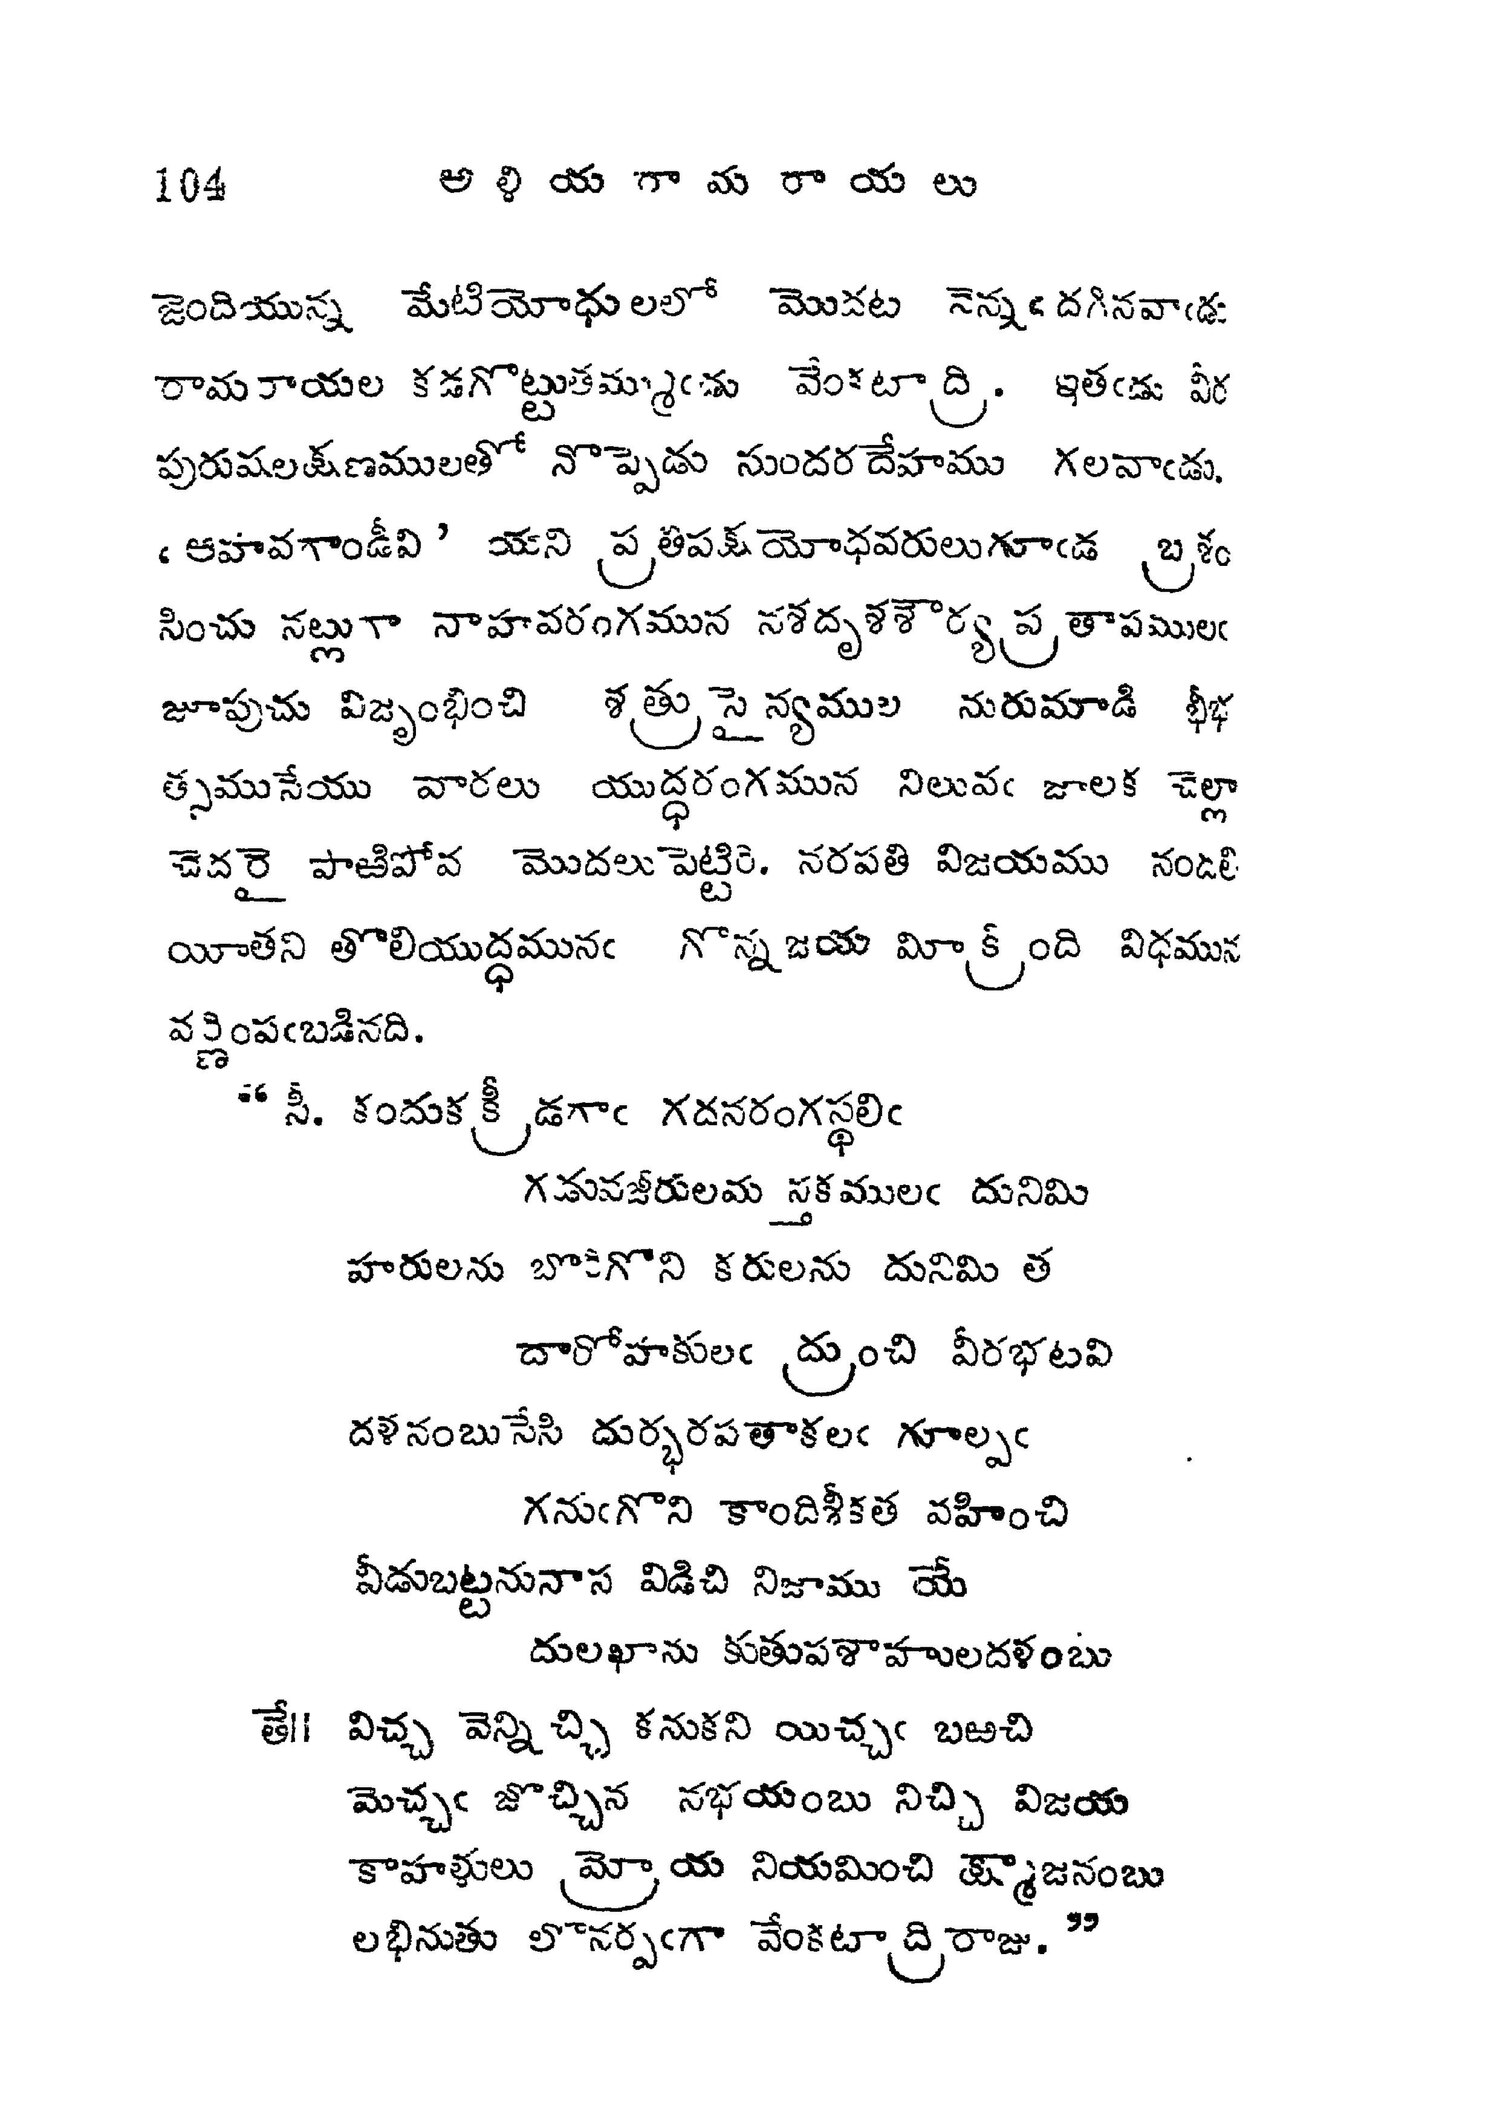జెందియున్న మేటియోధులలో మొదట నెన్నదగినవాడు రామరాయల కడగొట్టుతమ్ముడు వేంకటాద్రి. ఇతడు వీర పురుషలక్షణములతో నొప్పెడు సుందరదేహము గలవాడు. 'ఆహవగాండీవి' యని ప్రతిపక్షయోధవరులుగూడ బ్రశంసించు నట్లుగా నాహవరంగమున నశదృశశౌర్యప్రతాముల జూపుచు విజృంభించి శత్రుసైన్యముల నురుమాడి భీభత్సముసేయు వారలు యుద్ధరంగమున నిలువ జాలక చెల్లాచెదరై పాఱిపోవ మొదలుపెట్టిరి. నరపతి విజయము నందలి యీతని తొలియుద్ధమున గొన్నజయ మీక్రింది విధమున వర్ణింపబడినది.

 "సీ. కందుకక్రీడగా గదనరంగస్థలి
 గడువజీరులమస్తకముల దునిమి
 హరులను బొరిగొని కరులను దునిమి త
 దారోహకుల ద్రుంచి వీరభటవి
 దళనంబుసేసి దుర్భరపతాకల గూల్ప
 గనుగొని కాందిశీకత వహించి
 వీడుబట్టనునాస విడిచి నిజాము యే
 దులఖాను కుతుపశాహులదళంబు

 తే. విచ్చ వెన్నిచ్చి కనుకని యిచ్చ బఱచి
 మెచ్చ జొచ్చిన నభయంబు నిచ్చి విజయ
 కాహళులు మ్రోయ నియమించి క్ష్మాజనంబు
 లభినుతు లొనర్పగా వేంకటాద్రిరాజు."